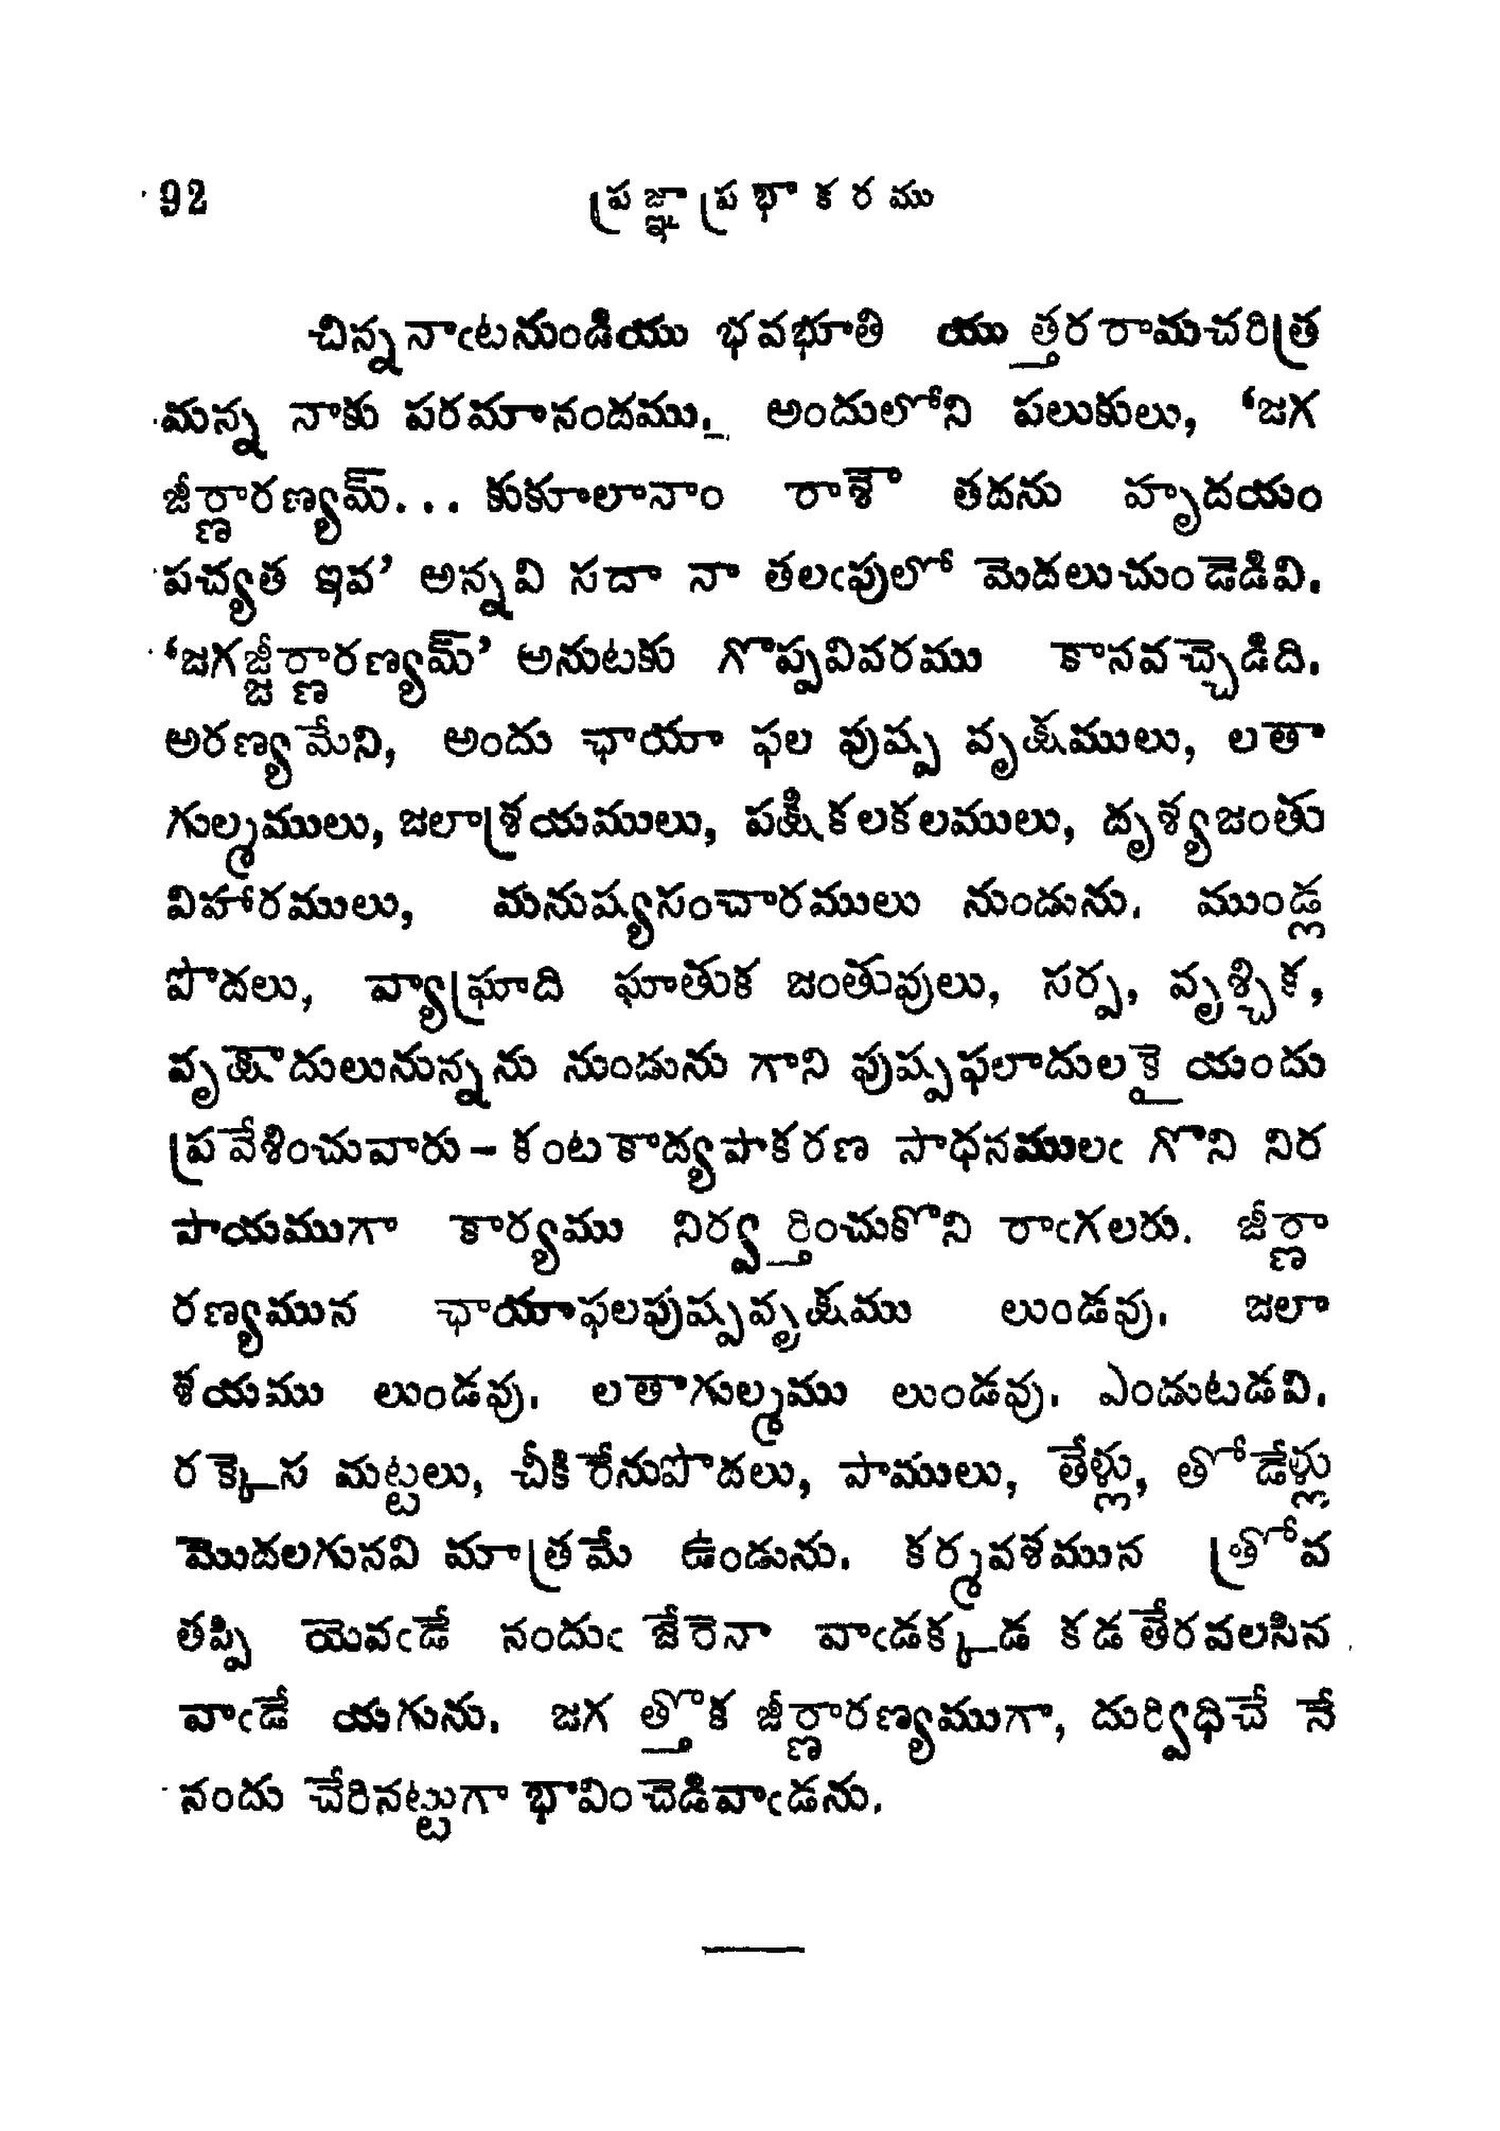చిన్ననాఁట నుండియు భవభూతి యుత్తర రామచరిత్ర మన్న నాకు పరమానందము. అందులో పలుకులు 'జగజ్జిర్ణరణ్యమ్ . . . కూకులానాం రాశౌ తదను హృదయం పచ్యత ఇవ' అన్నవి సదా నా తలఁపులో మెదలుచుండెడివి. ' జగజ్జిర్ణరణ్యమ్' అనుటకు గొప్ప వివరము కాన వచ్చెడిది. అరణ్యమేని, అందు ఛాయా ఫల పుష్ప వృక్షములు, లతా గుల్మములు, జలాశయములు, పక్షికలకలములు, దృశ్యజ్మతు విహారములు, మనుష్య సంచారము నుండును ముండ్ల పొదలు, వ్యాఘ్రు దు ఘుతక జంతువు, సర్ప, వృశ్చిక, వృక్షాదులునున్నాను నుండును గాని పుష్పఫలాదులకై యందు ప్రవేశించువారు- కంట కాద్యపాకరణ సాధనములఁ గొని నిరపాయముగా కార్యము నిర్వర్తించుకొని రాఁ గలరు. జిర్ణారణ్యమున ఛాయా ఫలపుపుష్ప వృక్షము లుండవు. జలా శయము లుండవు. లతాగుల్మము లుండవు. ఎండు టడవి. రక్కెస మట్టలు, చీకి రేను పొదలు, పాములు, తేళ్లు, తోడేళ్లు మొదలగునవి మాత్రమే ఉండును. కర్మవశమున త్రోవ తప్పి యెవఁడే నందుఁ జేరానా వాఁ డక్కడ కడతేర వలసిన వాఁడే యగును. జగ త్తొక జిర్ణారణ్యముగా, దుర్విధిచే నే నందు చేరినట్టుగా భావించెడివాఁ డను.